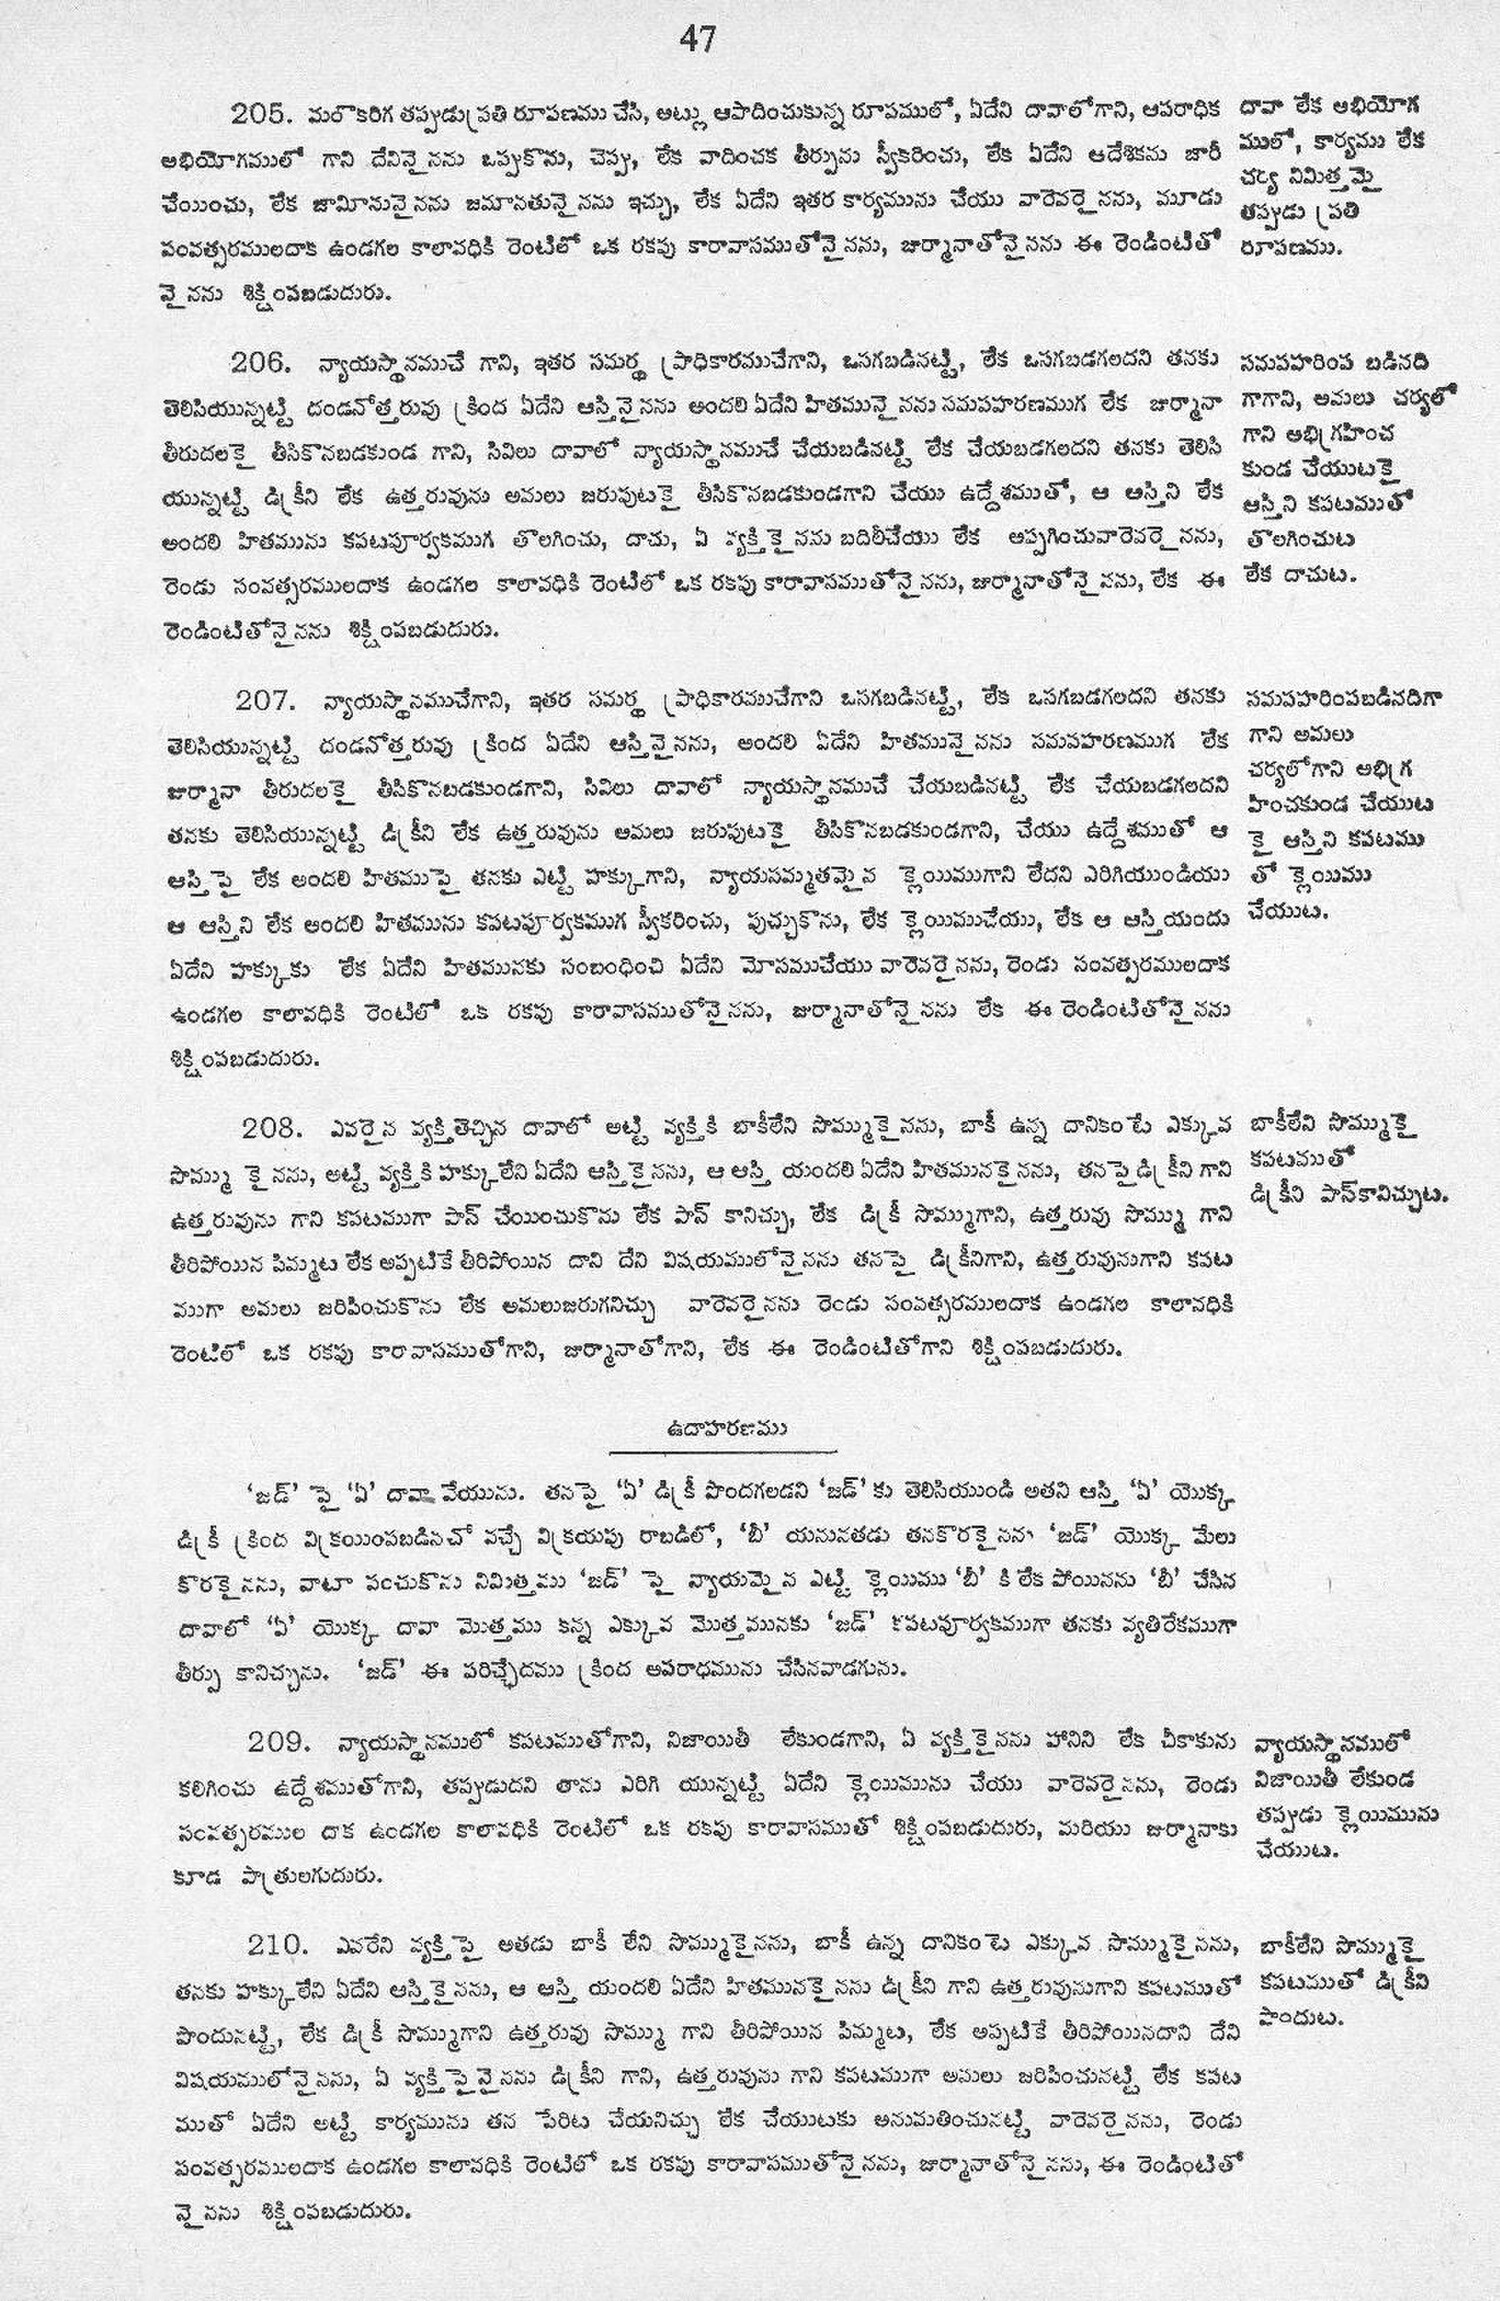దావా లేక అభియోగములో, కార్యము లేక చర్య నిమిత్తమై తప్పుడు ప్రతి రూపణము.

205. మరొకరిగ తప్పుడు ప్రతి రూపణము చేసి, అట్లు ఆపాదించుకున్న రూపములో, ఏదేని దావాలోగాని, అపరాధిక 
అభియోగములో గాని దేనినై నను ఒప్పుకొను, చెప్పు, లేక వాదించక తీర్పును స్వీకరించు, లేక ఏదేని ఆదేశికను జారీ చేయించు, లేక జామీనునైనను జమానతునైనను ఇచ్చు, లేక ఏదేని ఇతర కార్యమును చేయు వారెవరైనను, మూడు
సంవత్సరములదాక ఉండగల కాలావధికి రెంటిలో ఒక రకపు కారావాసముతోనైనను, జర్మానాతోనైనను ఈ రెండింటితో నైనను శిక్షింపబడుదురు.

సమపహరింప బడినది గాగాని, అమలు చర్యలో గాని అభి గ్రహించకుండ చేయుటకై ఆస్తిని కపటముతో తొలగించుట
లేక దాచుట.

206. న్యాయస్థానముచే గాని, ఇతర సమర్థ ప్రాధికారముచేగాని, ఒసగబడినట్టి, లేక ఒసగబడగలదని తనకు 
తెలిసియున్నట్టి దండనోత్తరువు క్రింద ఏదేని ఆస్తినైనను అందలి ఏదేని హితమునైనను సమపహరణముగ లేక జుర్మానా తీరుదలకై తీసికొనబడకుండ గాని, సివిలు దావాలో న్యాయస్థానముచే చేయబడినట్టి లేక చేయబడగలదని తనకు తెలిసి
యున్నట్టి డిక్రీని లేక ఉత్తరువును అమలు జరుపుటకై తీసికొనబడకుండగాని చేయు ఉద్దేశముతో, ఆ ఆస్తిని లేక అందలి హితమును కపటపూర్వకముగ తొలగించు, దాచు, ఏ వ్యక్తి కైనను బదిలీచేయు లేక అప్పగించువారెవరైనను, రెండు సంవత్సరములదాక ఉండగల కాలావధికి రెంటిలో ఒక రకపు కారావాసముతోనైనను, జుర్మానాతోనై నను, లేక ఈ రెండింటితోనైనను శిక్షింపబడుదురు.

సమపహరింపబడినదిగా గాని అమలు చర్యలోగాని అభిగ్రహించకుండ చేయుటకై ఆస్తిని కపటముతో క్లెయిము చేయుట.

207. న్యాయస్థానముచేగాని, ఇతర సమర్థ ప్రాధికారముచేగాని ఒసగబడినట్టి, లేక ఒసగబడగలదని తనకు తెలిసియున్నట్టి దండనోత్తరువు క్రింద ఏదేని ఆస్తినైనను, అందలి ఏదేని హితమునైనను సమపహరణముగ లేక జుర్మానా తీరుదలకై తీసికొనబడకుండగాని, సివిలు దావాలో న్యాయస్థానముచే చేయబడినట్టి లేక చేయబడగలదని తనకు తెలిసియున్నట్టి డిక్రీని లేక ఉత్తరువును అమలు జరుపుటకై తీసికొనబడకుండగాని, చేయు ఉద్దేశముతో ఆ ఆస్తి పై లేక అందలి హితముపై తనకు ఎట్టి హక్కుగాని, న్యాయసమ్మతమైన క్లెయిముగాని లేదని ఎరిగియుండియు ఆ ఆస్తిని లేక అందలి హితమును కపటపూర్వకముగ స్వీకరించు, పుచ్చుకొను, లేక క్లెయిముచేయు, లేక ఆ ఆస్తి యందు ఏదేని హక్కుకు లేక ఏదేని హితమునకు సంబంధించి ఏదేని మోసముచేయు వారెవరైనను, రెండు సంవత్సరములదాక ఉండగల కాలావధికి రెంటిలో ఒక రకపు కారావాసములోనైనను, జుర్మానాతోనై నను లేక ఈ రెండింటితోనైనను శిక్షింపబడుదురు.

బాకీలేని సొమ్ముకై కపటముతో డిక్రీని పాస్ కానిచ్చుట.

208. ఎవరైన వ్యక్తి తెచ్చిన దావాలో అట్టి వ్యక్తి కి బాకీలేని సొమ్ముకైనను, బాకీ ఉన్న దానికంటే ఎక్కువ సొమ్ము కైనను, అట్టి వ్యక్తికి హక్కులేని ఏదేని ఆస్తి కైనను, ఆ ఆస్తి యందలి ఏదేని హితమునకైనను, తనపై డిక్రీని గాని ఉత్తరువును గాని కపటముగా పాస్ చేయించుకొను లేక పాస్ కానిచ్చు, లేక డిక్రీ సొమ్ముగాని, ఉత్తరువు సొమ్ము గాని తీరిపోయిన పిమ్మట లేక అప్పటికే తీరిపోయిన దాని దేని విషయములోనైనను తనపై డిక్రీనిగాని, ఉత్తరువునుగాని కపటముగా అమలు జరిపించుకొను లేక అమలుజరుగనిచ్చు వారెవరైనను రెండు సంవత్సరములదాక ఉండగల కాలావధికి రెంటిలో ఒక రకపు కారా వాసముతోగాని, జూర్మానాతోగాని, లేక ఈ రెండింటితోగాని శిక్షింపబడుదురు.

'జడ్' పై 'ఏ' దావా వేయును. తన పై 'ఏ' డిక్రీ పొందగలడని 'జడ్' కు తెలిసియుండి అతని ఆస్తి 'ఏ' యొక్క
డిక్రీ క్రింద విక్రయింపబడినచో వచ్చే విక్రయపు రాబడిలో, 'బి' యనునతడు తనకొరకై నను 'జడ్'యొక్క మేలు
కొరకై నను, వాటా పంచుకొను నిమిత్తము 'జడ్' పై న్యాయమైన ఎట్టి క్లెయిము 'బి' కి లేక పోయినను 'బీ' చేసిన
దావాలో 'ఏ' యొక్క దావా మొత్తము కన్న ఎక్కువ మొత్తమునకు 'జడ్' కపటపూర్వకముగా తనకు వ్యతిరేకముగా
తీర్పు కానిచ్చును. 'జడ్' ఈ పరిచ్ఛేదము క్రింద అపరాధమును చేసినవాడగును.

న్యాయస్థానములో నిజాయితీ లేకుండ తప్పుడు క్లెయిమును చేయుట.

209. న్యాయస్థానములో కపటముతో గాని, నిజాయితీ లేకుండగాని, ఏ వ్యక్తి కైనను హానిని లేక చీకాకును కలిగించు ఉద్దేశముతో గాని, తప్పుడుదని తాను ఎరిగి యున్నట్టి ఏదేని క్లెయిమును చేయు వారెవరైనను, రెండు సంవత్సరముల దాక ఉండగల కాలావధికి రెంటిలో ఒక రకపు కారావాసముతో శిక్షింపబడుదురు, మరియు జుర్మానాకు కూడ పాత్రులగుదురు.

బాకీలేని సొమ్ముకై కపటముతో డిక్రీని పొందుట.

210. ఎవరేని వ్యక్తి పై అతడు బాకీ లేని సొమ్ముకైనను, బాకీ ఉన్న దానికంటే ఎక్కువ సామ్ముకైనను, తనకు హక్కు లేని ఏదేని ఆస్తికైనను, ఆ ఆస్తి యందలి ఏదేని హితమునకైనను డిక్రీని గాని ఉత్తరువునుగాని కపటముతో పొందునట్టి, లేక డిక్రీ సొమ్ముగాని ఉత్తరువు సొమ్ము గాని తీరిపోయిన పిమ్మట, లేక అప్పటికే తీరిపోయినదాని దేని విషయములో నైనను, ఏ వ్యక్తి పై నైనను డిక్రీని గాని, ఉత్తరువును గాని కపటముగా అమలు జరిపించునట్టి లేక కపటముతో ఏదేని అట్టి కార్యమును తన పేరిట చేయనిచ్చు లేక చేయుటకు అనుమతించునట్టి వారెవరైనను, రెండు సంవత్సరములదాక ఉండగల కాలావధికి రెంటిలో ఒక రకపు కారావాసముతోనైనను, జుర్మానాతోనైనను, ఈ రెండింటితో నైనను శిక్షింపబడుదురు.